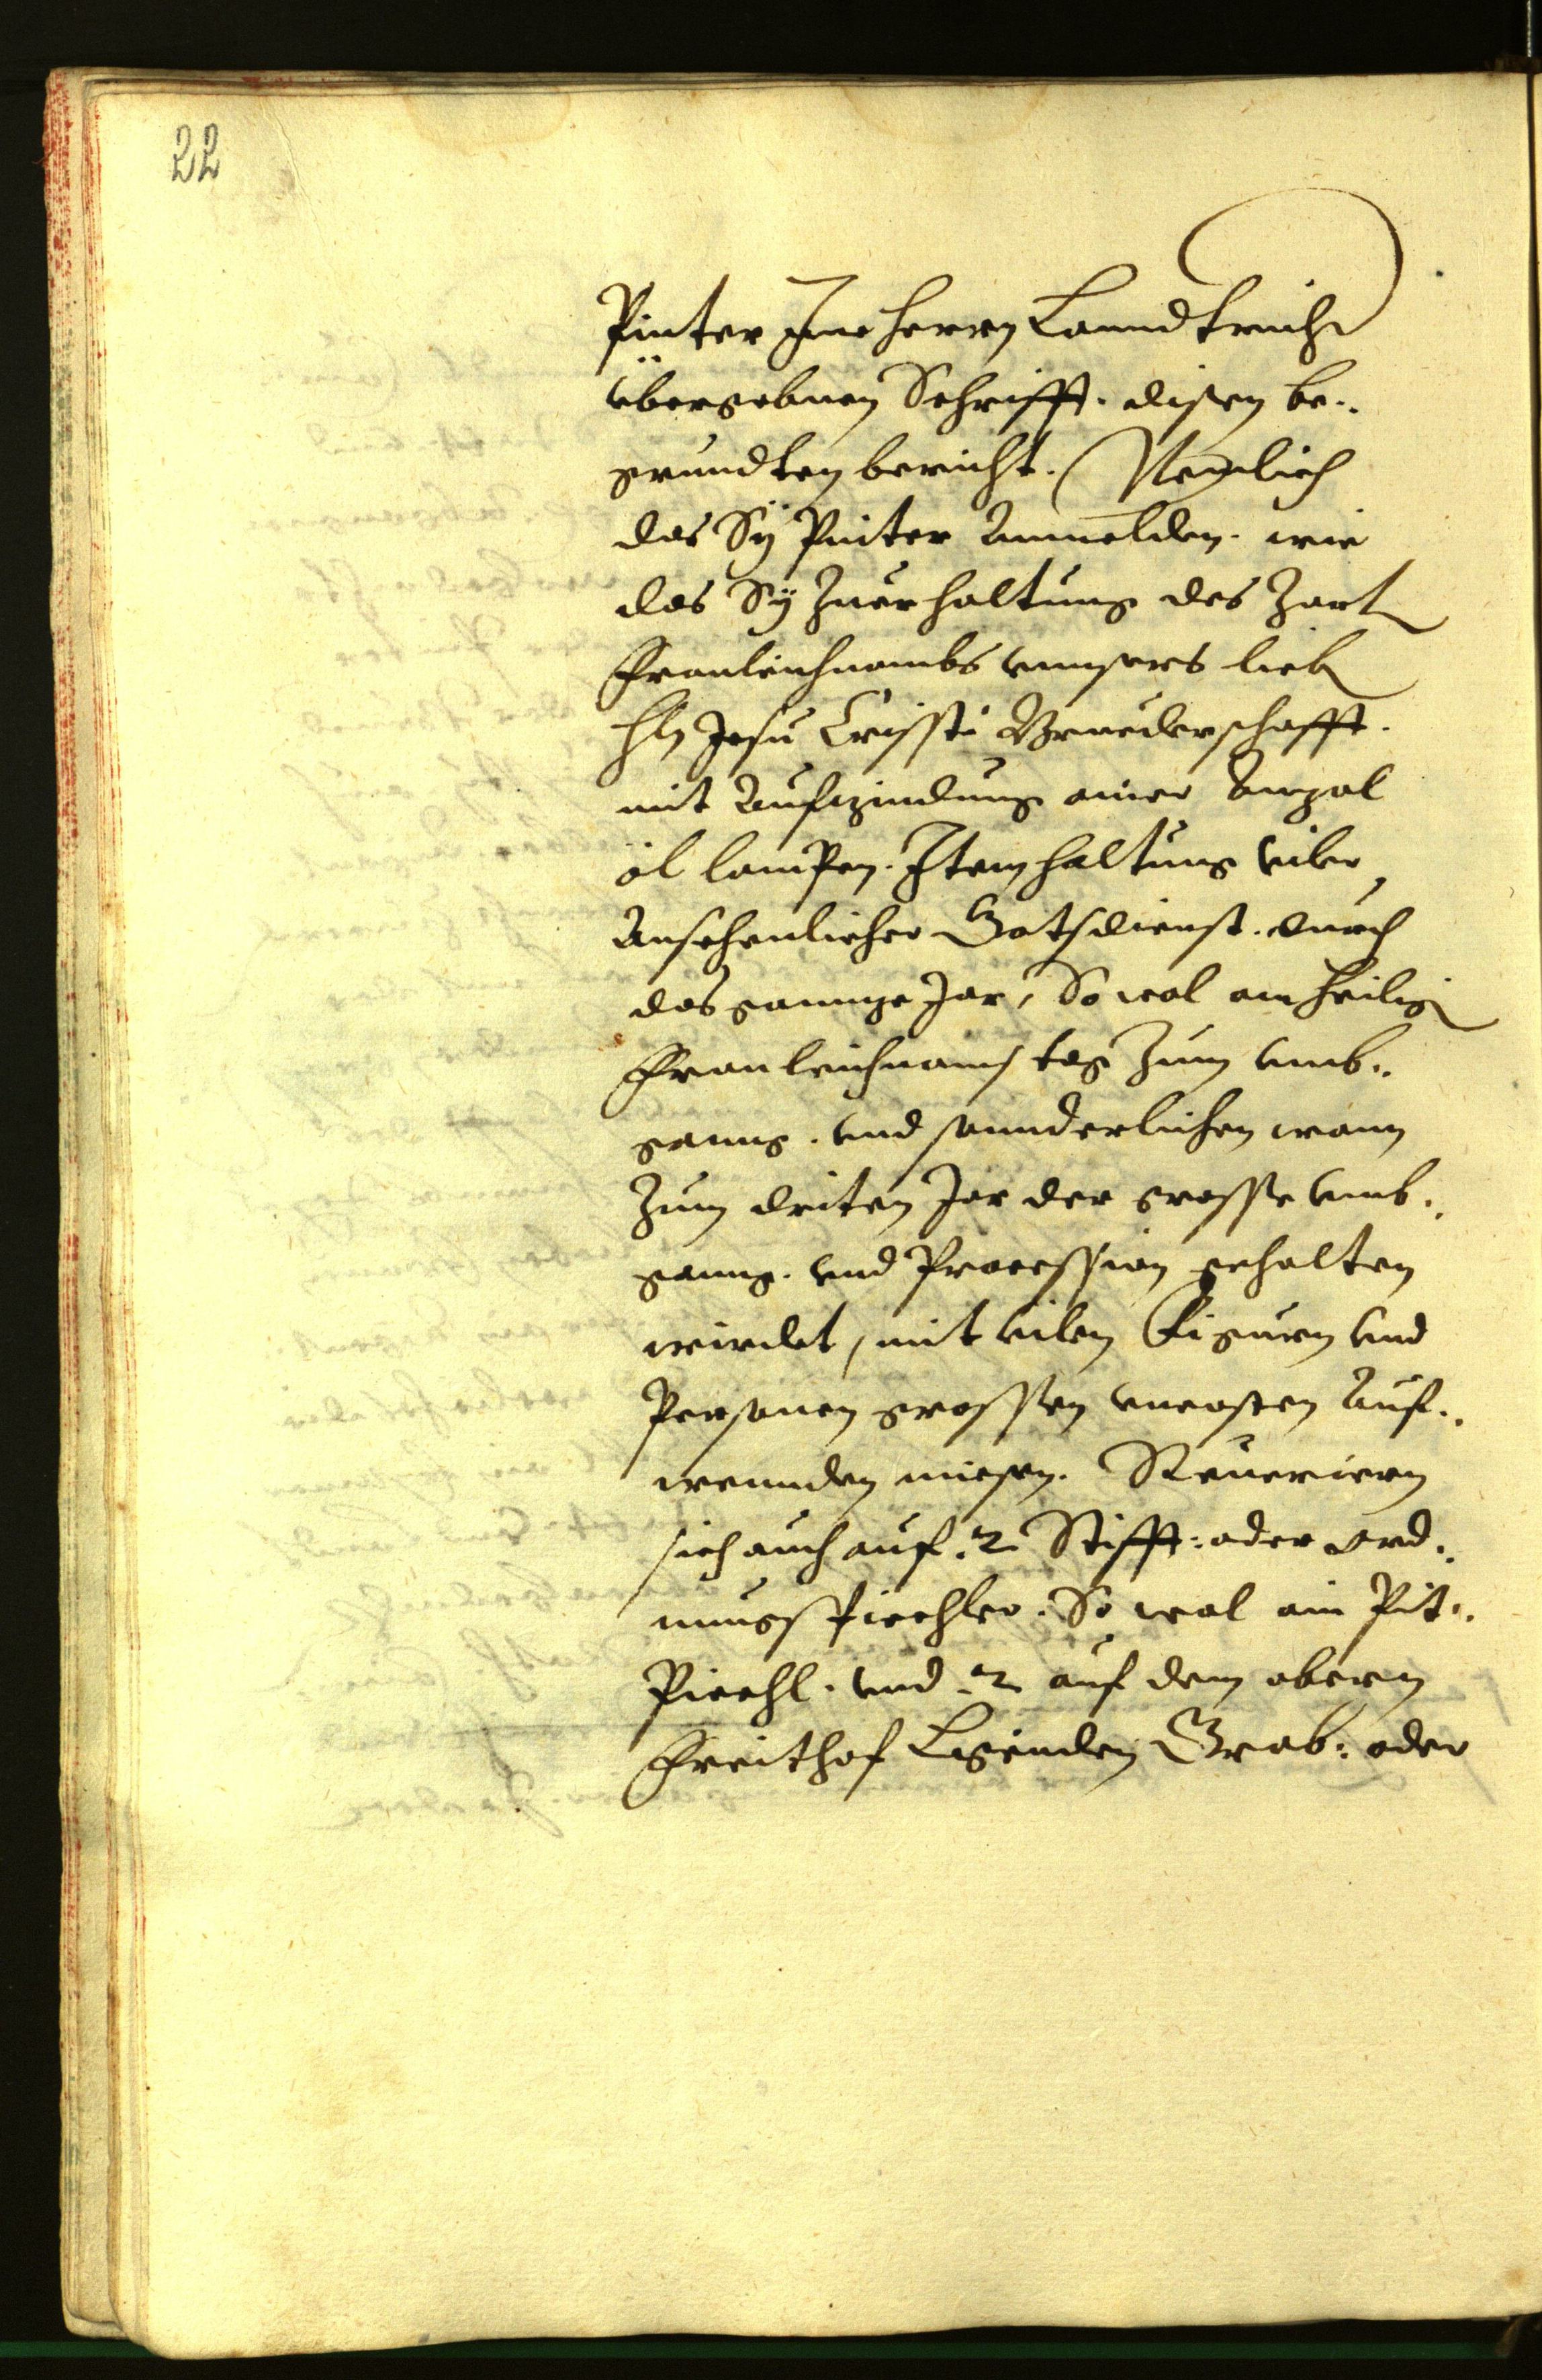22
Pinter Ime herrn Lanndtricht
v̈bergebnen Schrifft. disen be¬
grūndten bericht. Nemblich
das Sÿ Pinter Anmelden. wie
das Sÿ Zūerhaltūng des Zart
Fronleichnambs vnnsers lieb
H Jesū Crissti Brūederschafft.
mit Aūfzindūng ainer Anzal
öl lampen. Item haltūng viler
Ansehenlicher Gotsdienst. dūrch
das gannze Jar, So wol am heilig
Fronleichnamstag Zūm vmb¬
ganng. vnd sonnderlichen wann
Zūm driten Jar der grosse vmb¬
ganng. vnd Procession gehalten
wirdet, mit vilen Figūren vnd
Personen grossen vncosten Aūf¬
wennden miesen. Rēūeriern
sich aūch aūf. 2 Stifft: oder Ord¬
nūngsPiechler. So wol ain Pit¬
Piechl. vnd. 2 aūf dem obern
Freithof Ligenden Grab: oder